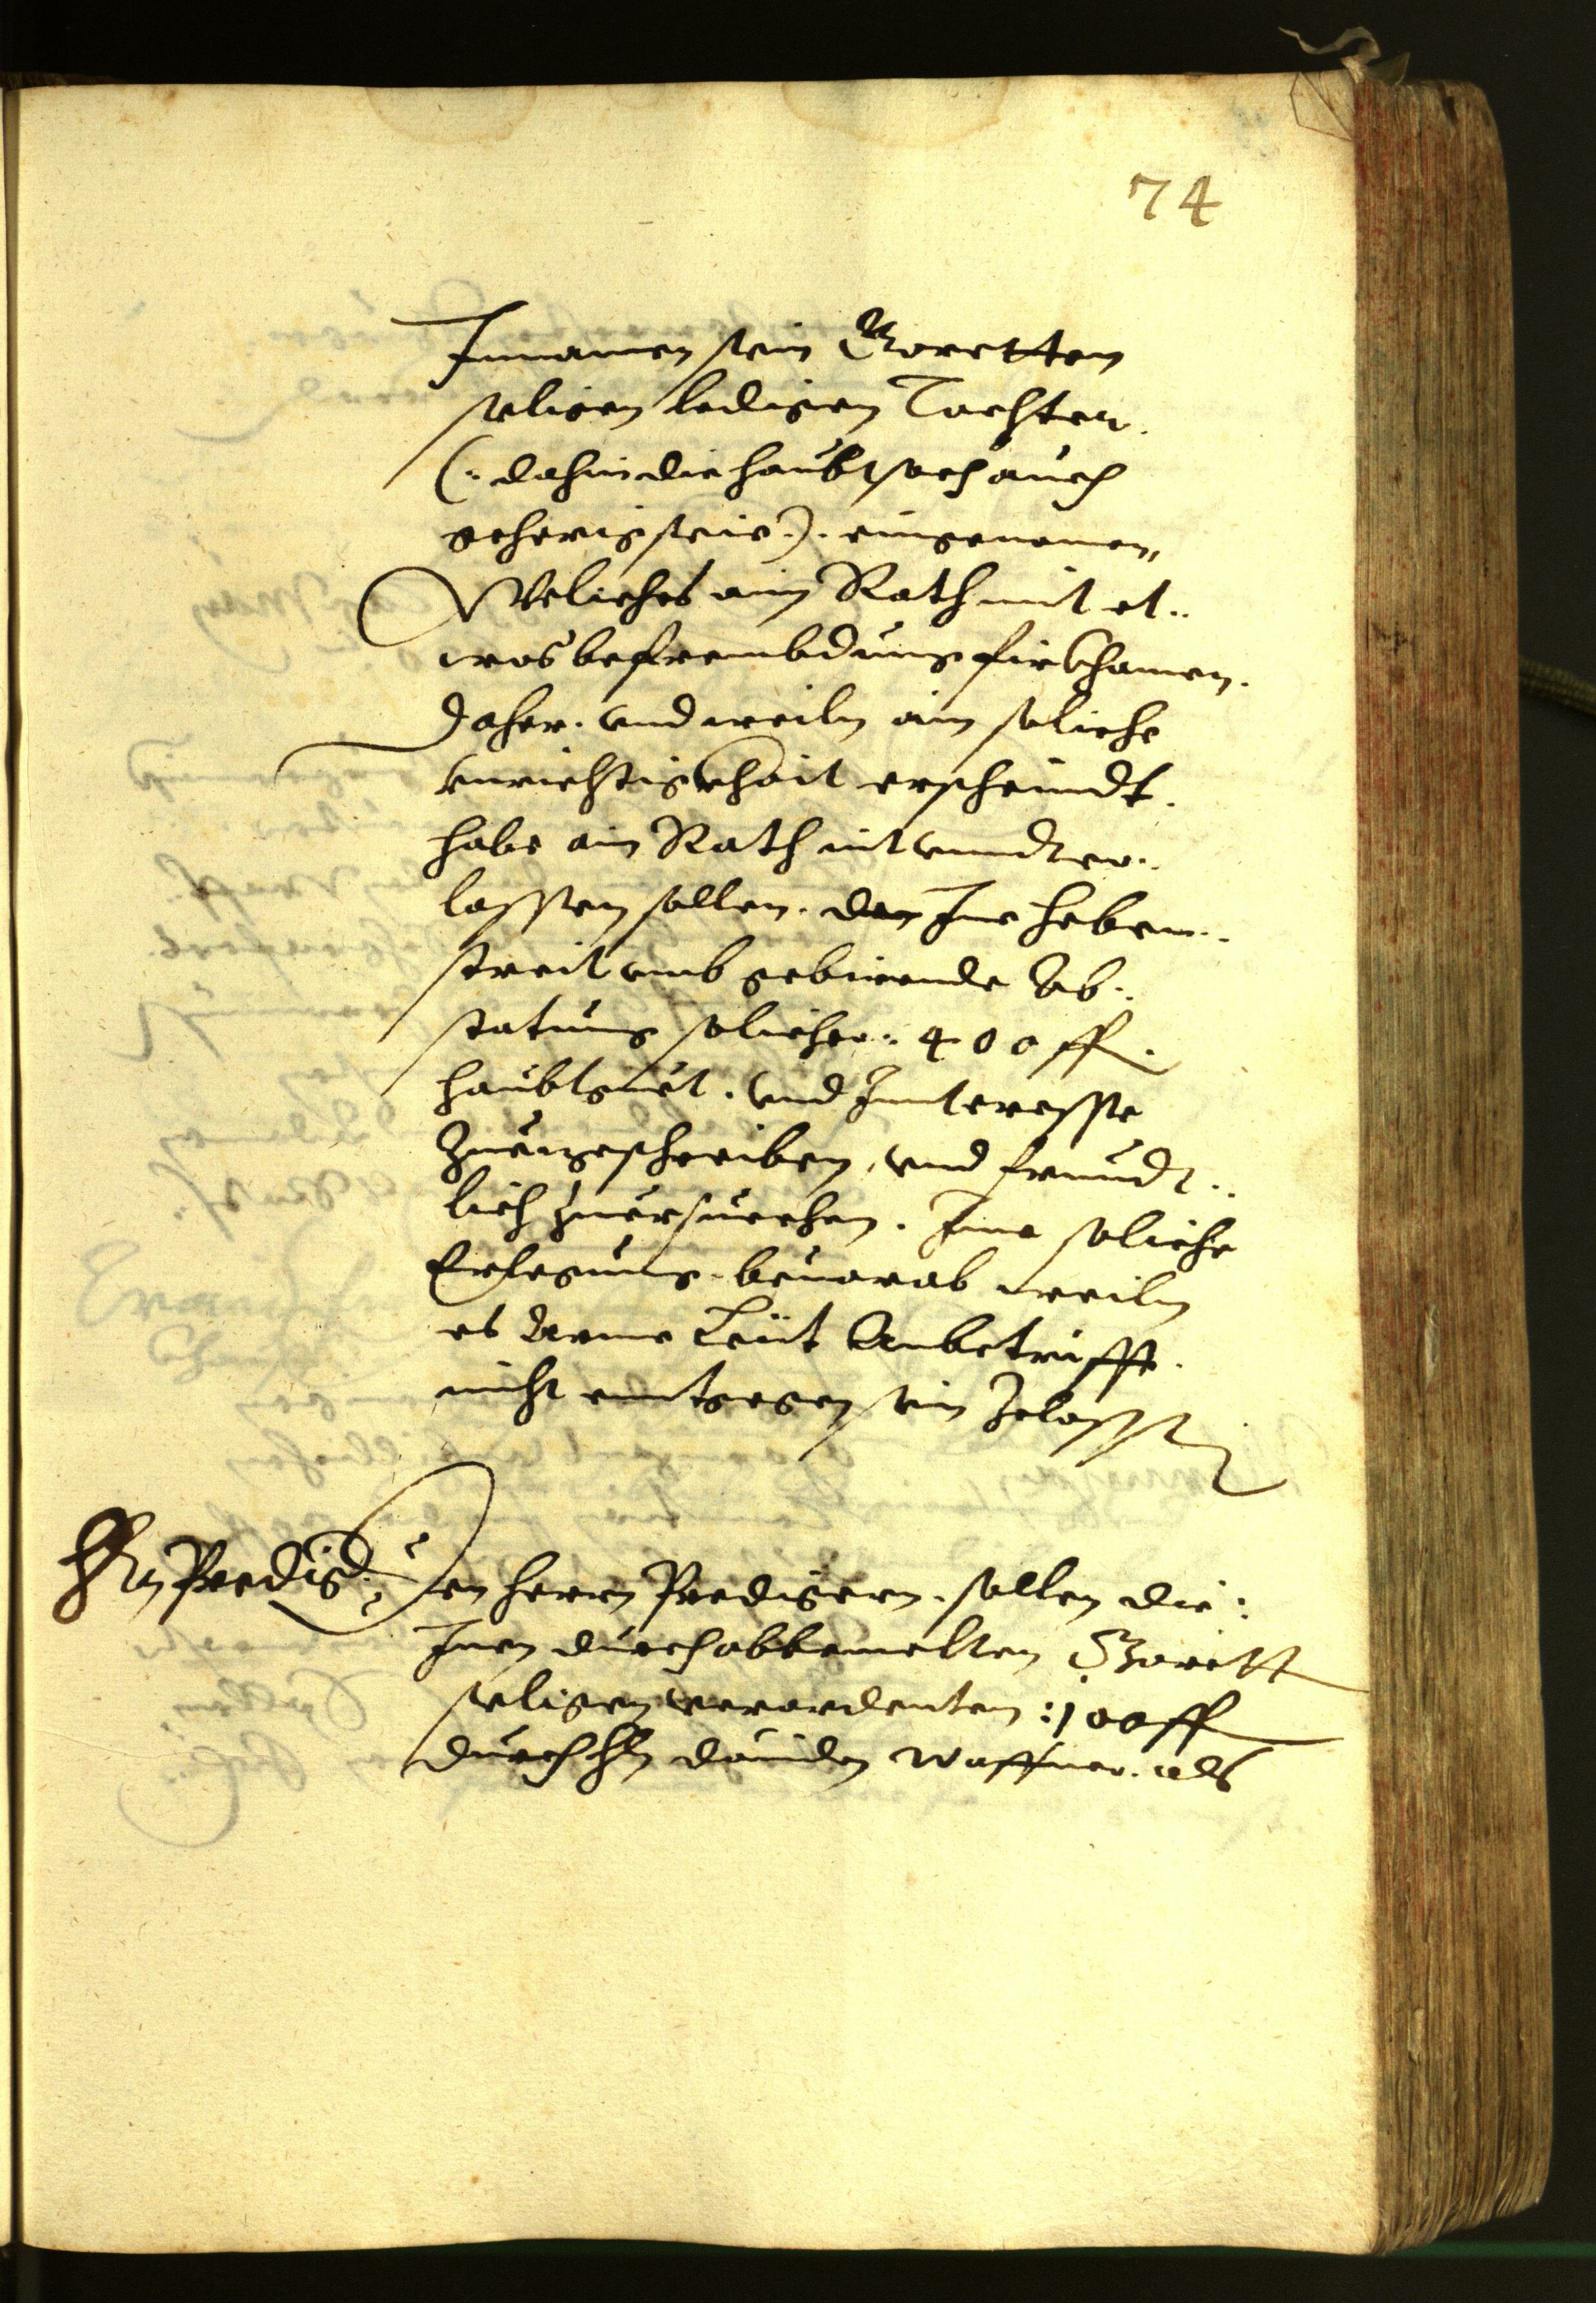74
Innamen sein Goretten
seligen ledigen Tochter
(: dahin die haūbtsach aūch
Geherig seie.). eingenomen.
Weiliches aim Rath mit et¬
was befrembdūng fir khomen.
Daher vnd weiln ain soliche
Unrichtig khait erscheindt,
Habe ain Rath nit vndter¬
lassen sollen den Ime Heben¬
streit umb gebieende Ab¬
statūng solicher 400 fl
haūbtgūet vnd Innteresse
zūetzeschreiben vnd frūndt¬
lich Zūersūechen Ime soliche
Erlegūng bevorab Weiln
Es Arme Leüt Anbetrifft
nicht enntgegen sein Zelassen.
H Predig
Den herrn Predigern sollen die
Inen dūrch obbemelten Gorett
Seligen verordenten 100 fl
Dūrch h Davidn Waffner als